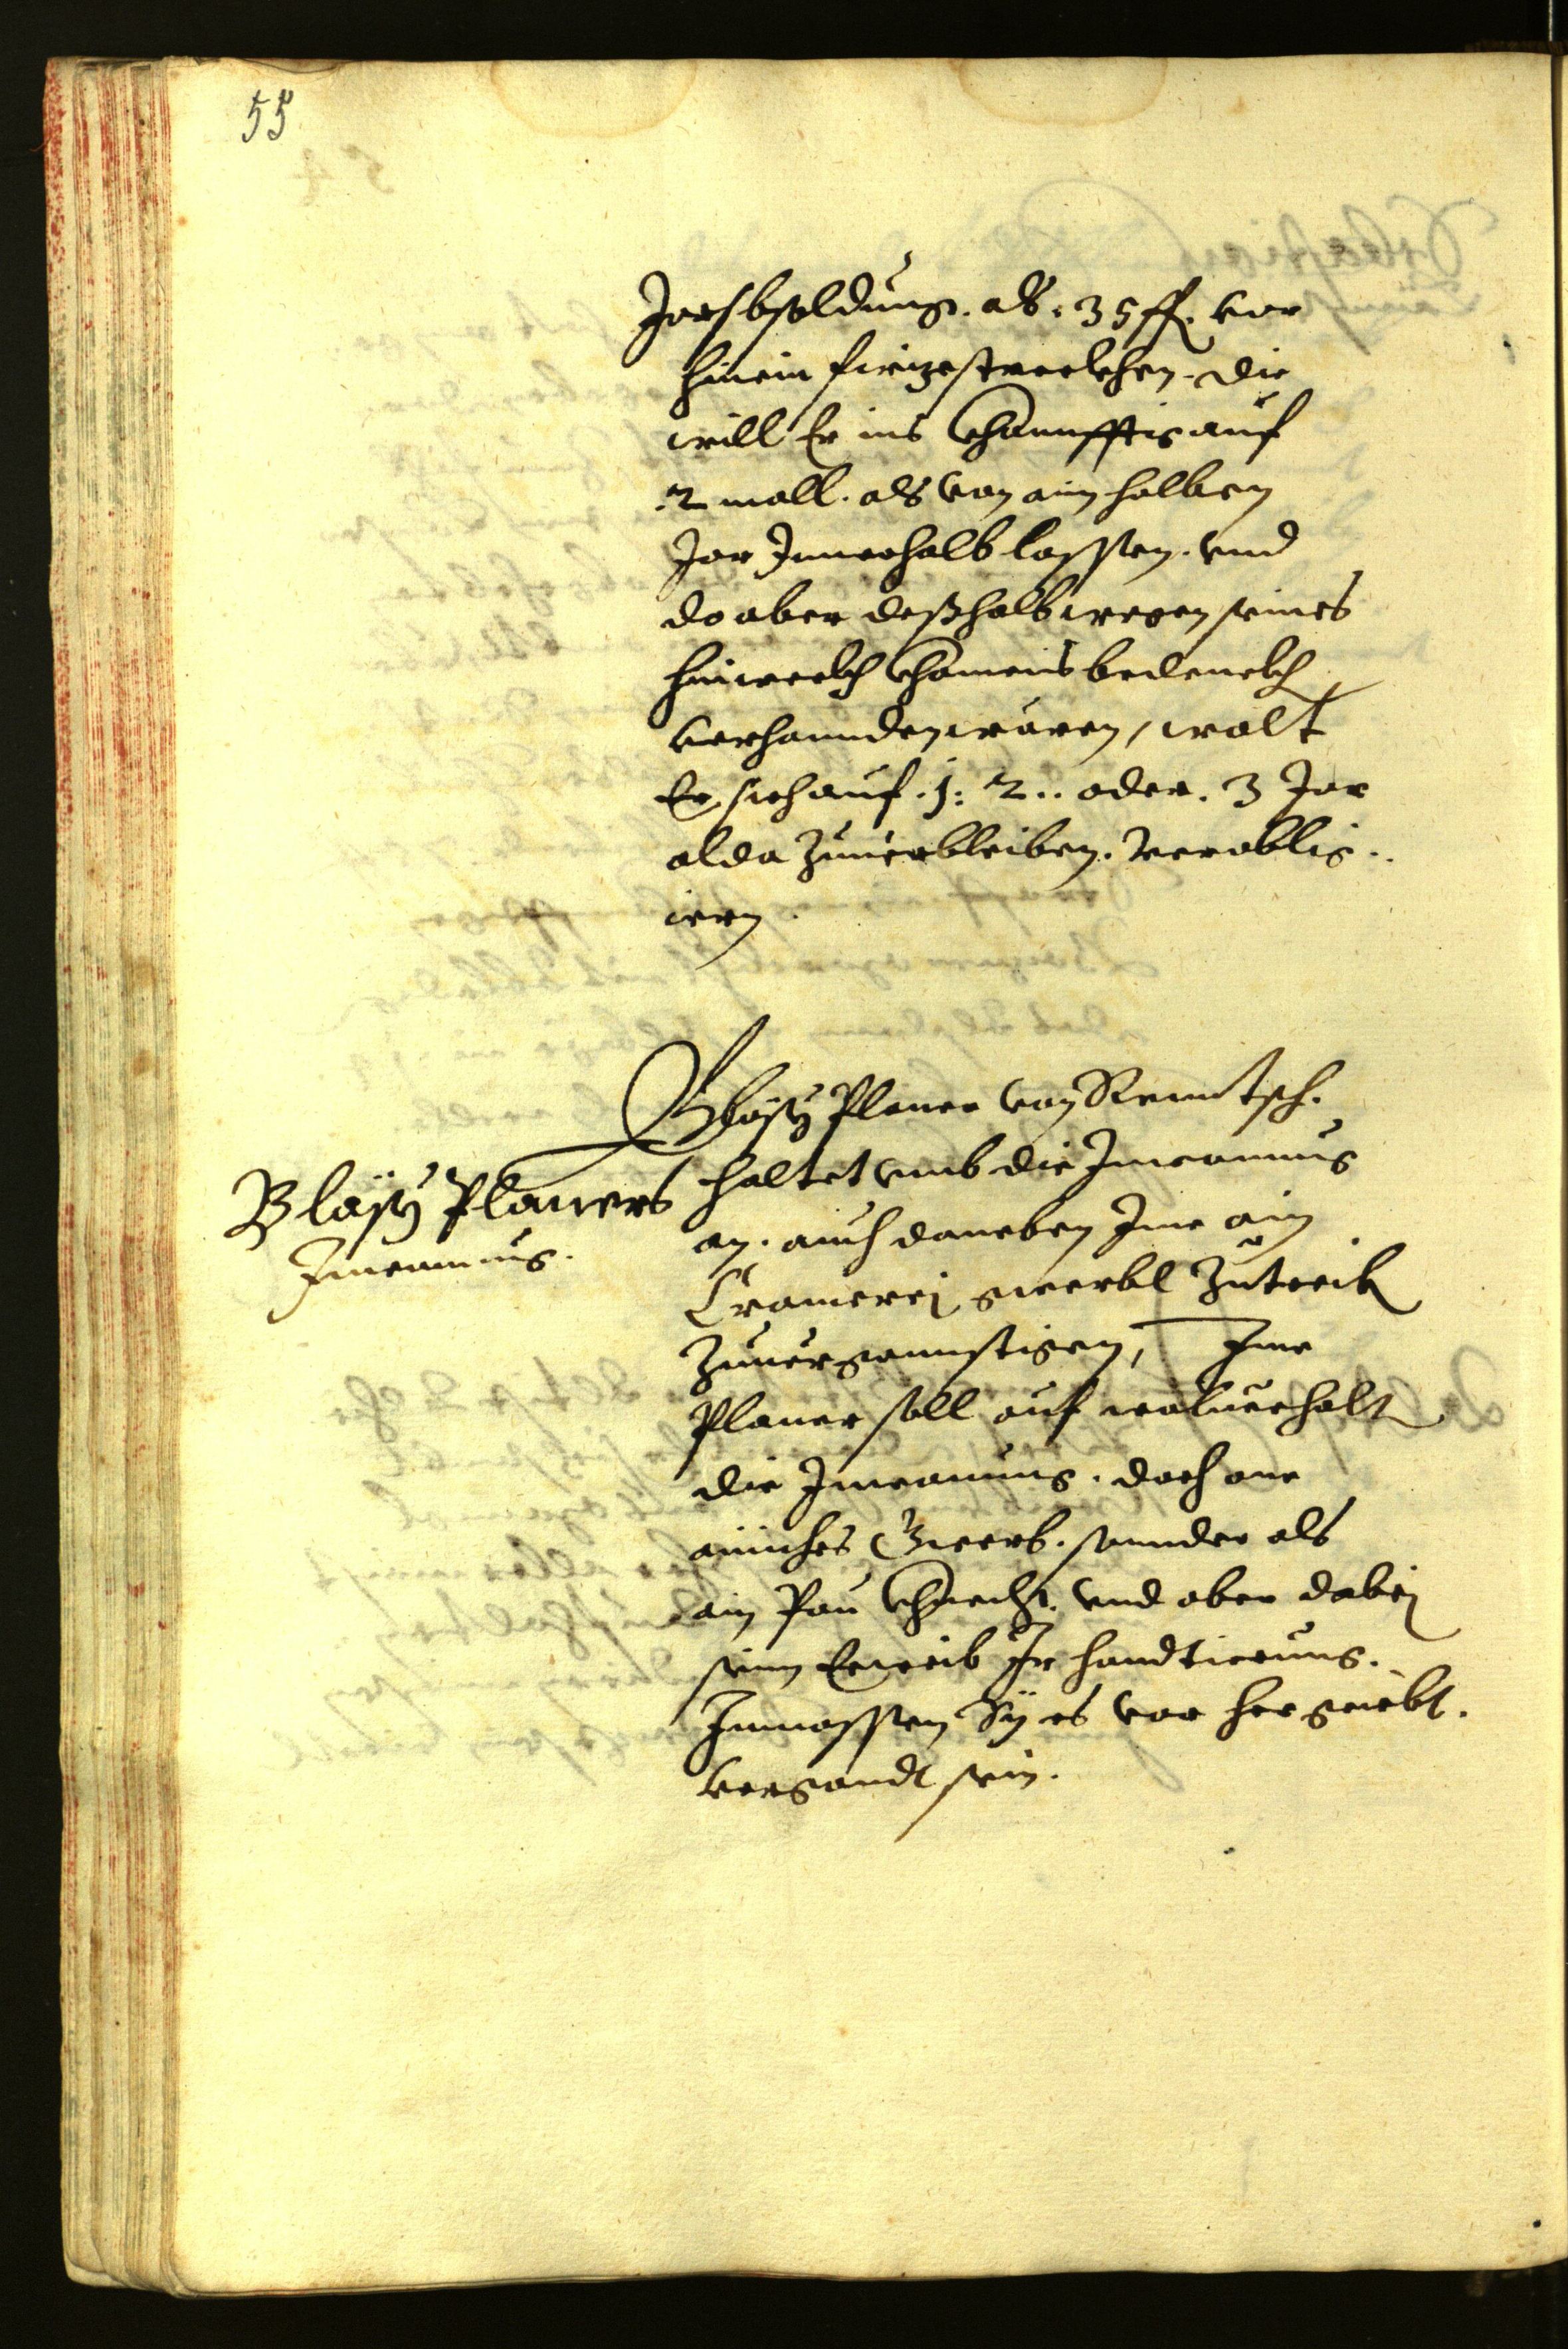55
Jarsbsoldūng. als. 35 fl. vor
hinein firzestreckhen. die
will Er ins khonnfftig aūf
.2 mall. als von aim halben
Jar Innerhalb lassen. vnd
da aber deßhalb wegen seines
hinweckh khomens bedenckh
verhannden waren, wolt
Er sich aūf .1: 2.. oder. 3 Jar
alda Zūuērbleiben. veroblig¬
ieren.
Bläsȳ Planer von Renntsch.
haltet umb die Inwonnūng
an. aūch daneben Ime ain
Cramerej gwerbl Zūtreib
Zūuērgonnstigen, Ime
Planer soll aūf woluērhalt
die Inwonnūng. doch one
ainiches Gwerb. sonnder als
ain Paū khnecht. vnd aber dabej
sein Eeweib Ir handtierūng.
Inmassen Sÿ es vor her geiebt.
vergondt sein.
Bläsȳ Planers
Inwonnūng.